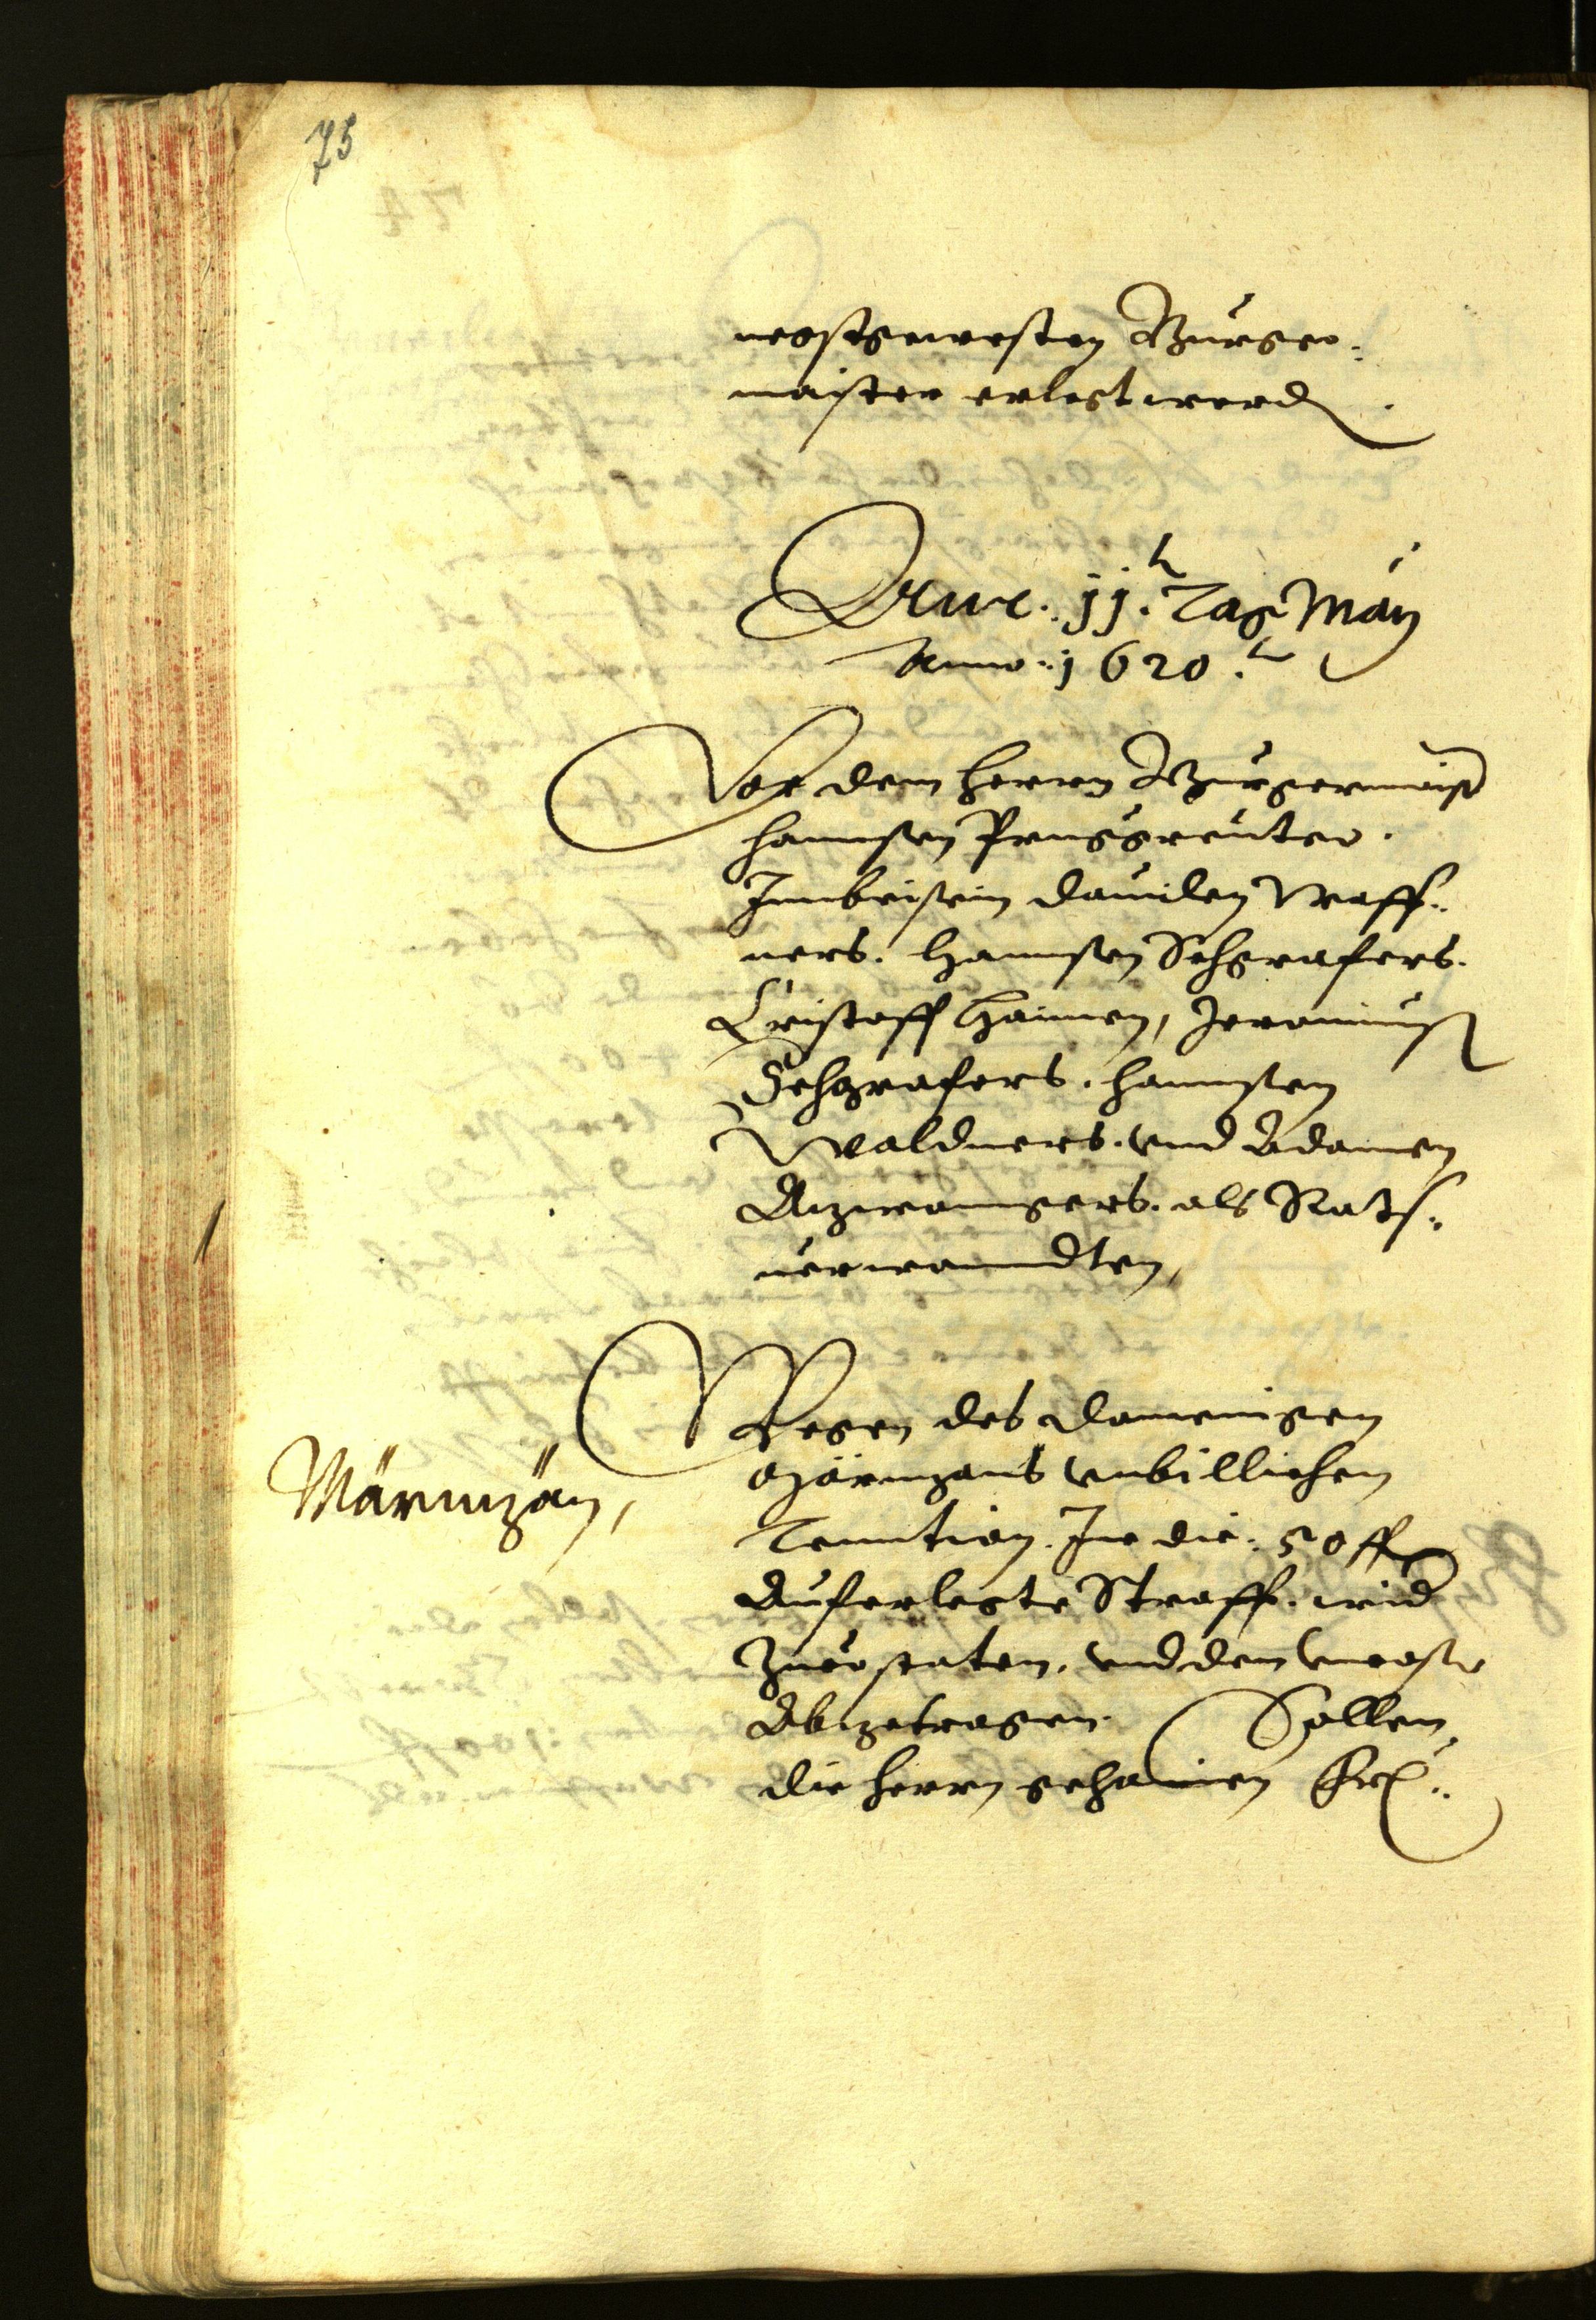75
negstgewesten Būrger¬
maister erlegt werd.
Am: 11.t Tag Maȳ
Anno: 1620.t
Vor dem herrn Būrgermaist
hannsen Prūggreūter.
Innbeisein Daūiden Waff¬
ners. Hannsen Schgrafers.
Cristoff Haimen, Jeronimūs
Schgrafers. hannsen
Waldners. vnd Adamen
Azwanngers. als Rats¬
ūerwanndten,
Wegen des Domenigen
Märnzans vnbillichen
Tenntion. Ine die: 50 fl
Aūferlegte Straff. wid
Zūerstaten. vnd den vncosten
Abzetragen. Sollen
die herrn gehaimen Frl:
Märnzän.